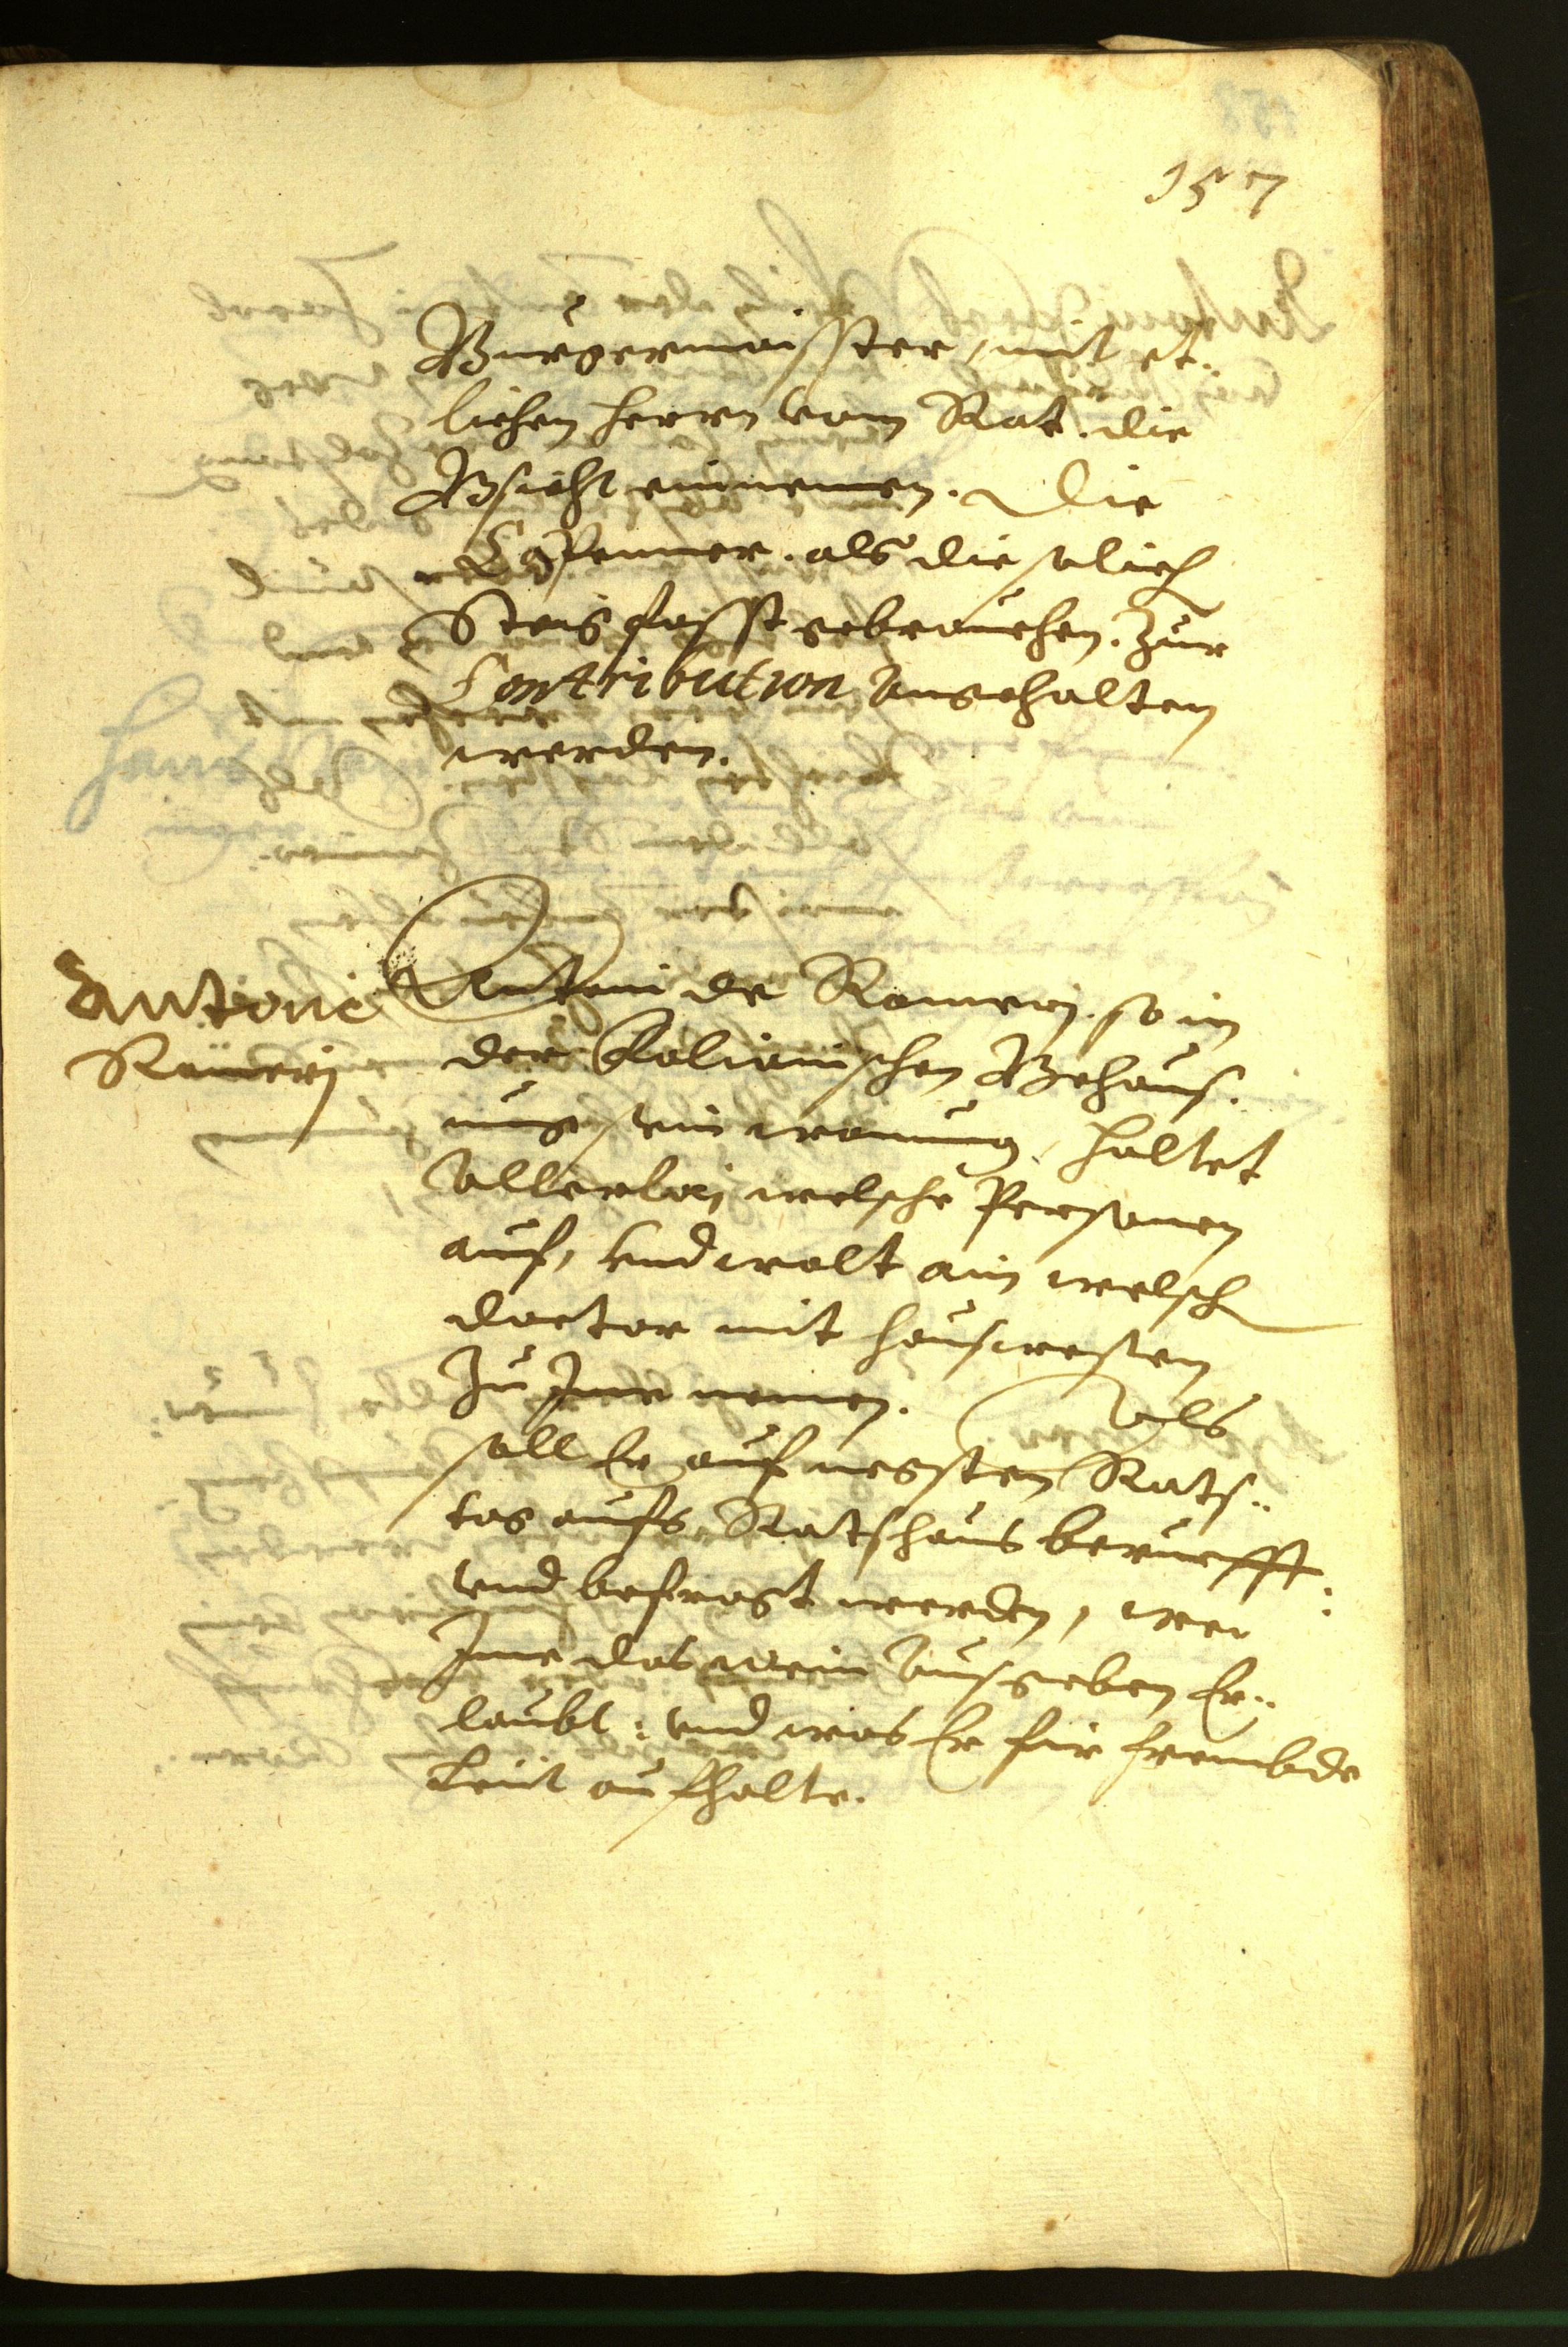157
Būrgermaisster, mit et¬
lichen herrn vom Rat. die
Bsicht einnemen. Die
CaPenner. als die solich
Steig fasst gebraūchen. Zūr
Contribution Angehalten
werden.
Antoni de Romerj. so in
der Folianischen Behaūs¬
ūng sein wonūng haltet
Allerlei welsche Personen
aūf, vnd wolt ain welsch
doctor mit haūswesen
Zū Ime nemen. Als
soll Er aūf negsten Rats¬
tag aūfs Ratshaūs berūefft¬
vnd befragt weren, wer
Ime das wein Aūsgeben Er¬
laūbt: vnd was Er fir frembde
Leüt aūfhalte.
Antoni
Romerj